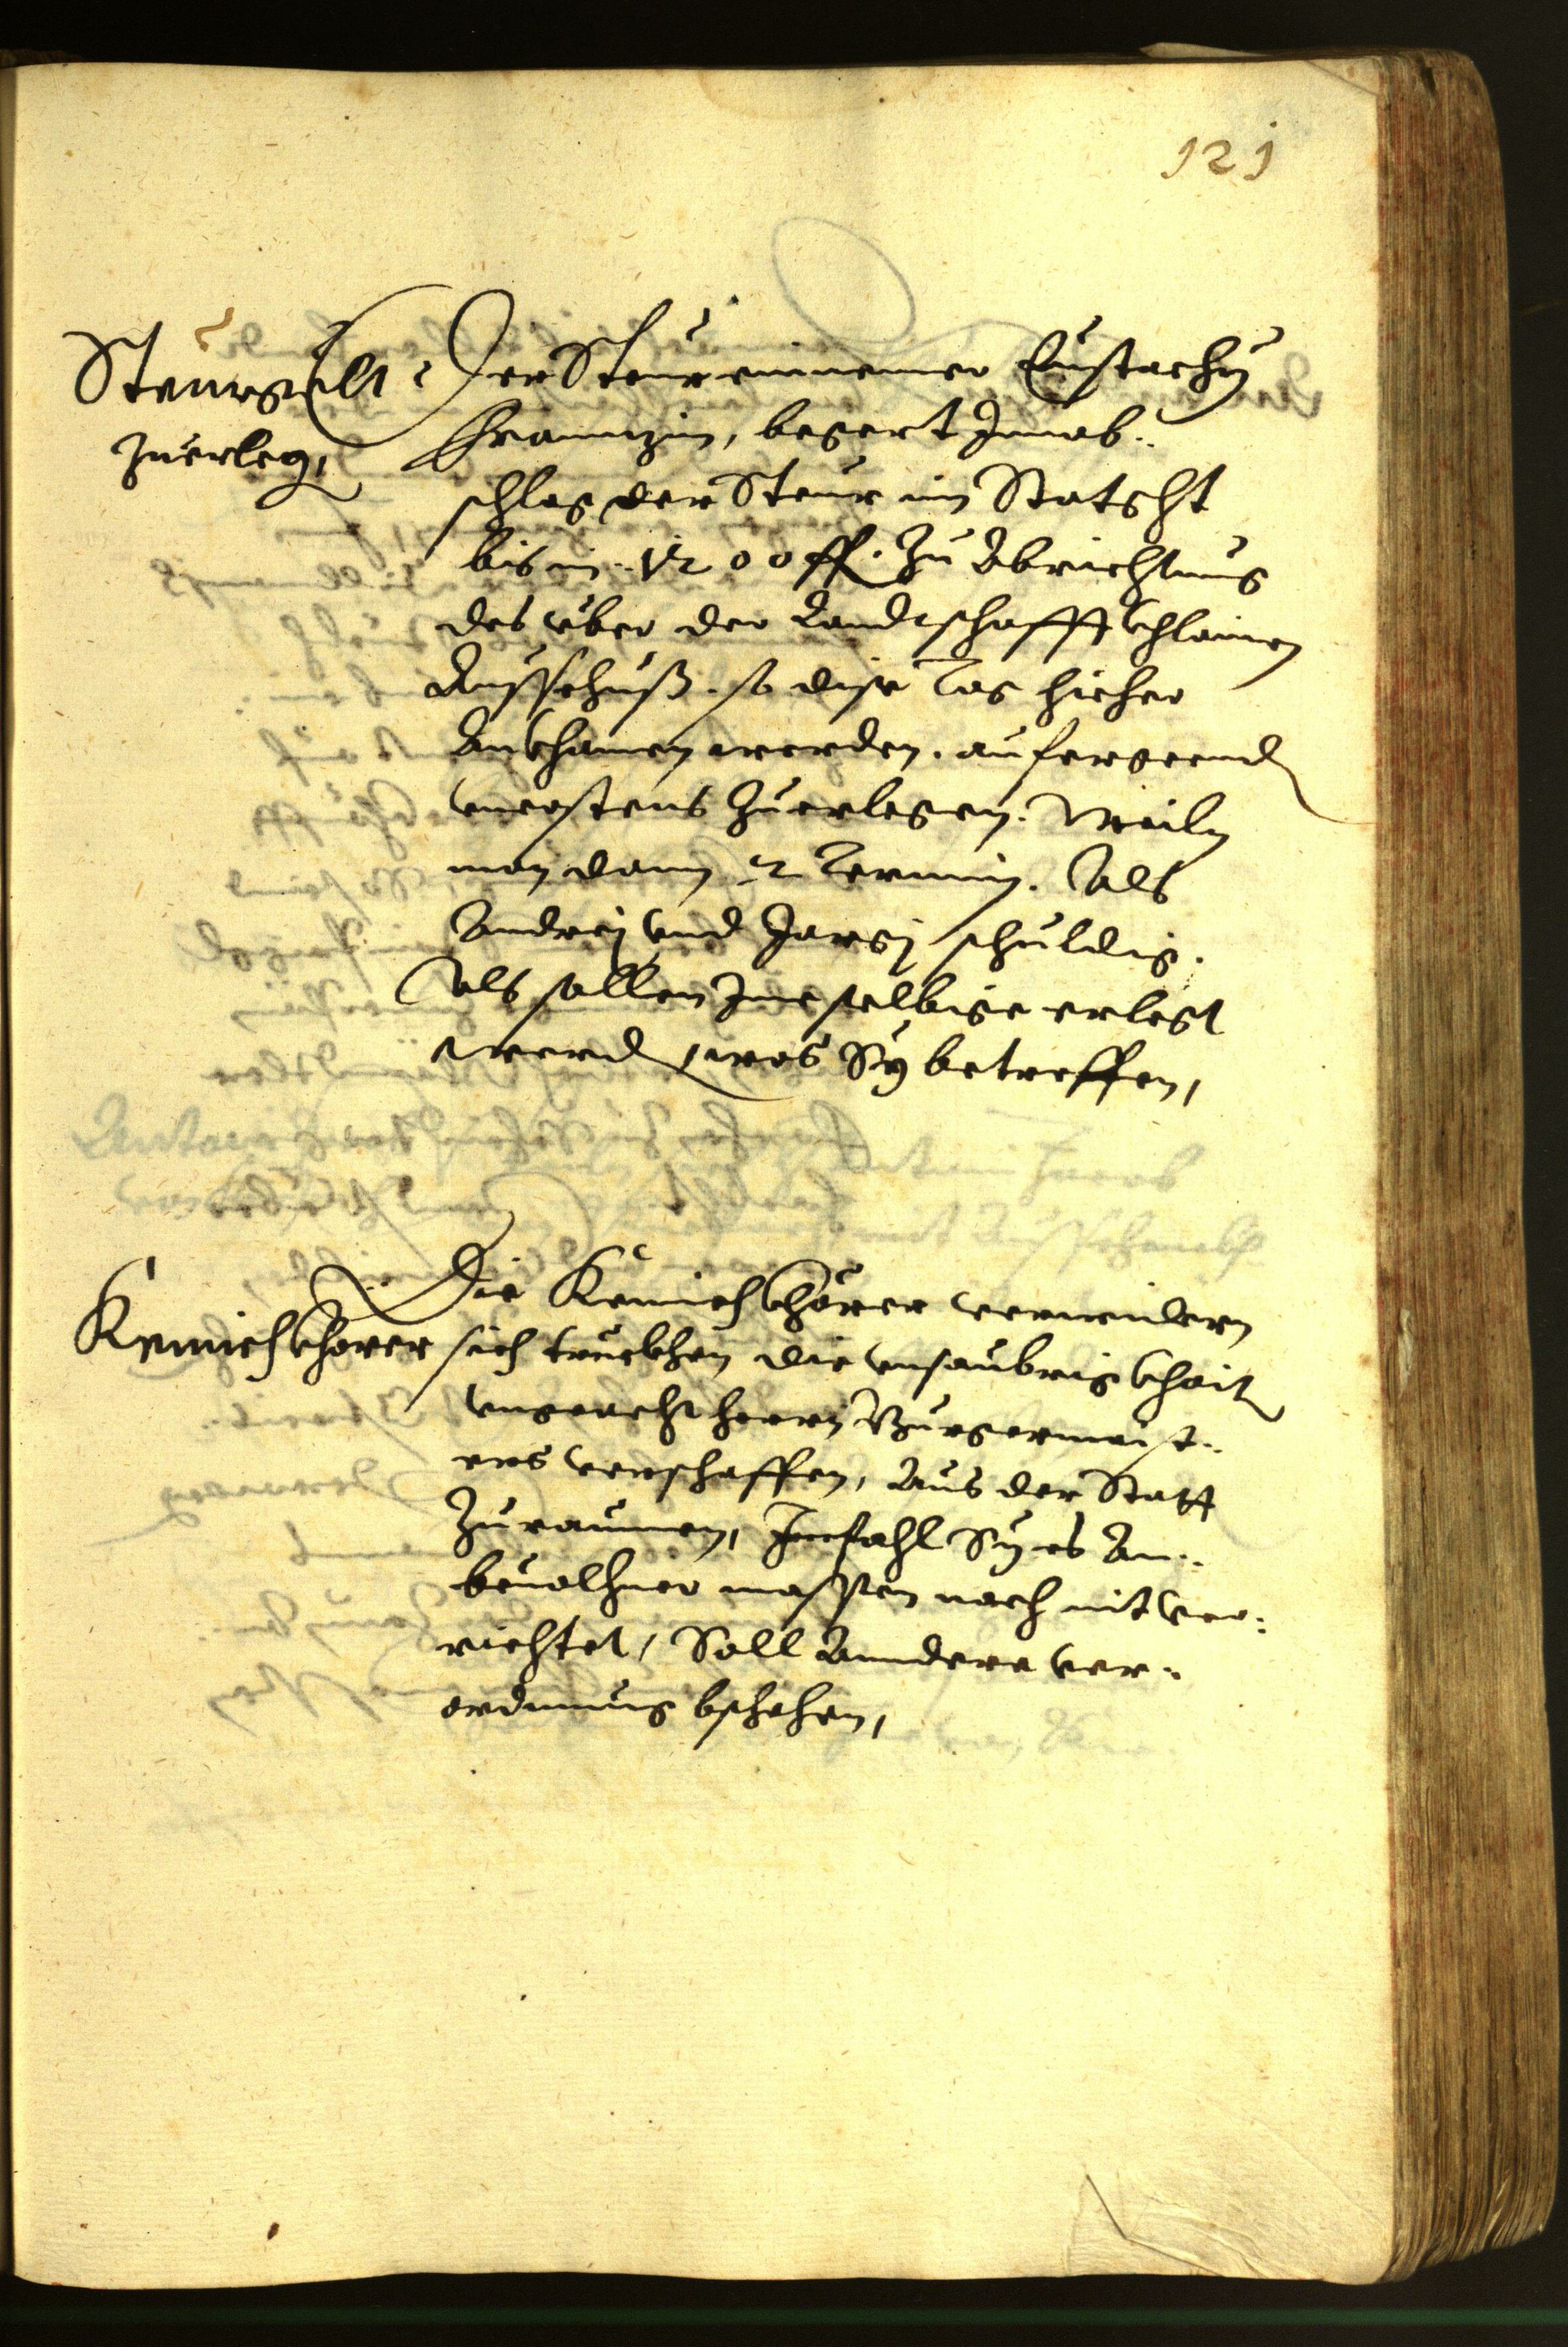121
Der Steūreinnemer Eūstachȳ
Frannzin, begert Innab¬
schlag der Steūr im Statght
bis in: 1200 fl. Zū Abrichtūng
des v̄ber der Landtschafft khlainen
Aūsschūß. so dise Tag hieher
Ankhomen werden. aūfergeend
vncostens Zū erlegen. Weiln
man dann .2 Termin. Als
Andrej vnd Jorgj schūldig.
Als sollen Ime selbige erlegt
werd, was Sȳ betreffen,
Steūrgelt
Zūerleg,
Die Kemichkhōrer verwidern
sich trūckhen die vnsaūbrigkhait
vngeacht herrn Būrgermaist¬
ers verschaffen, Aūs der Statt
Zū raūmen, Infahl Sȳ es An¬
beūolhen massen noch nit ver¬
richtet, Soll Anndere ver¬
ordnūng bschehen,
Kemichkhörer